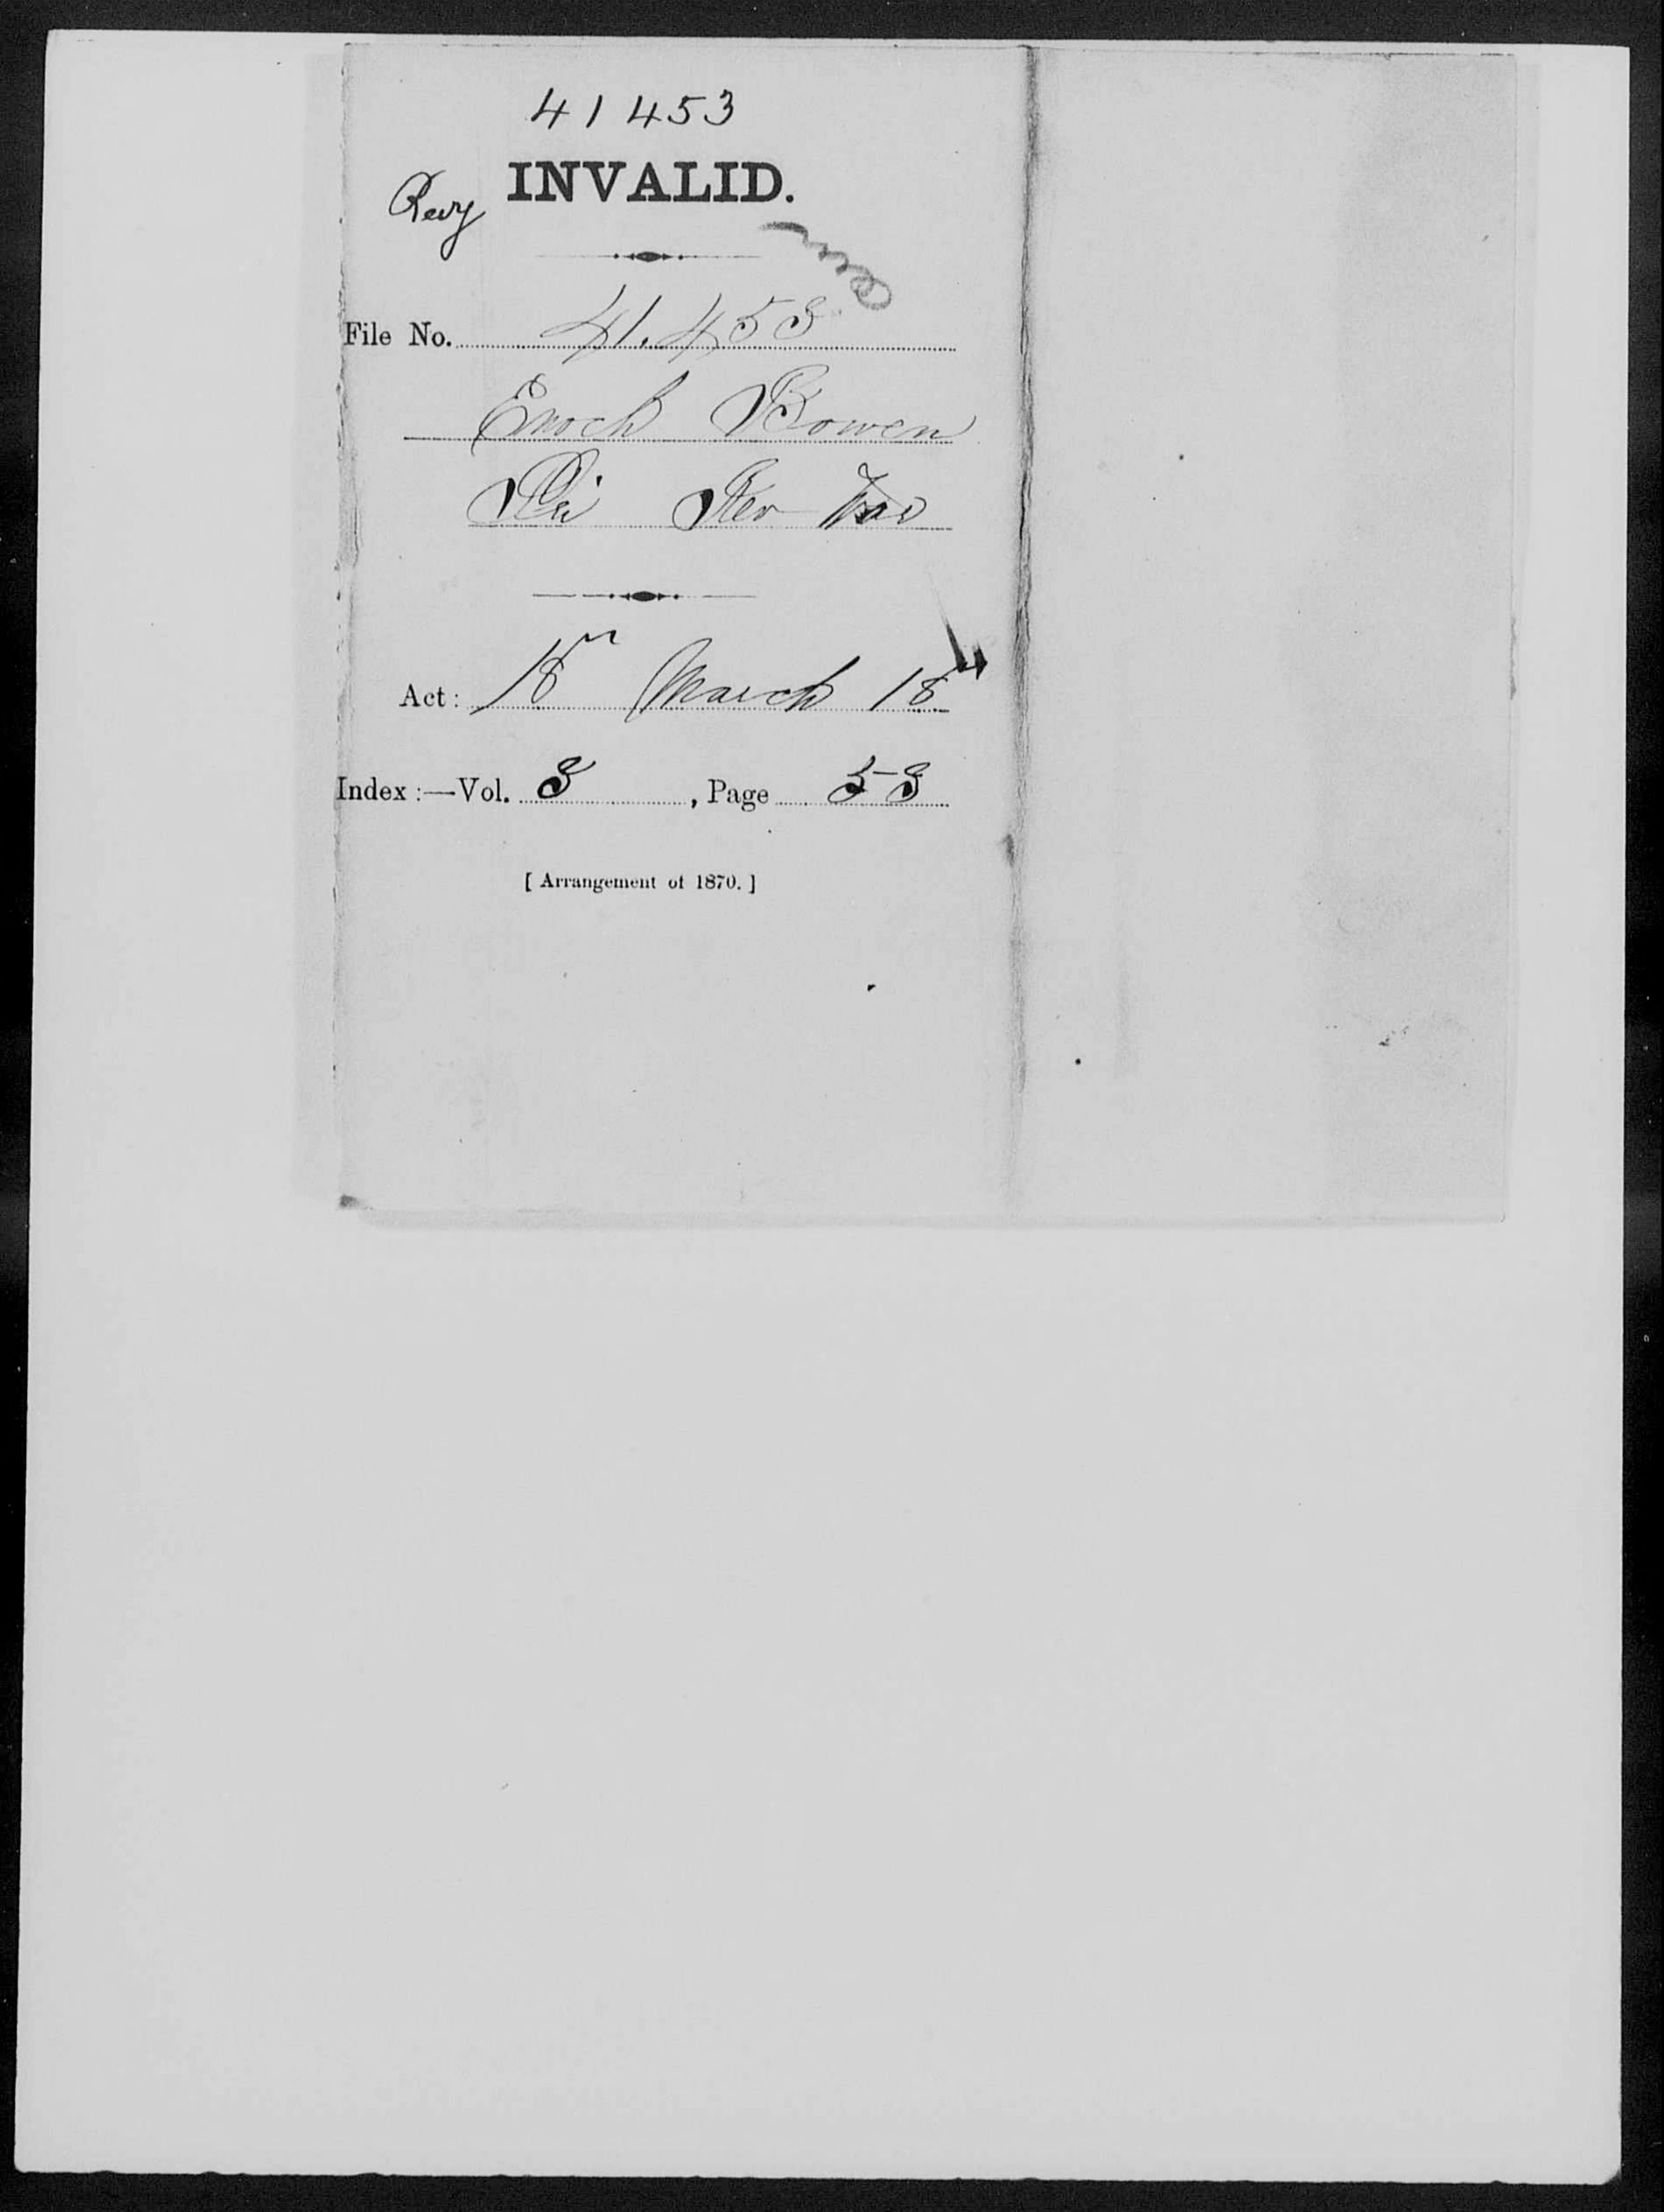41453
INVALID
Revy
File No. 41,453
Enoch Bowen
Pri Rev War
Act: 18 March 18
Index:-Vol. 3, Page 53
{Arrangement of 1870.}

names: Enoch Bowen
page: 7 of 11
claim: survivor's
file: S. 41,453, Enoch Bowen, N.H.